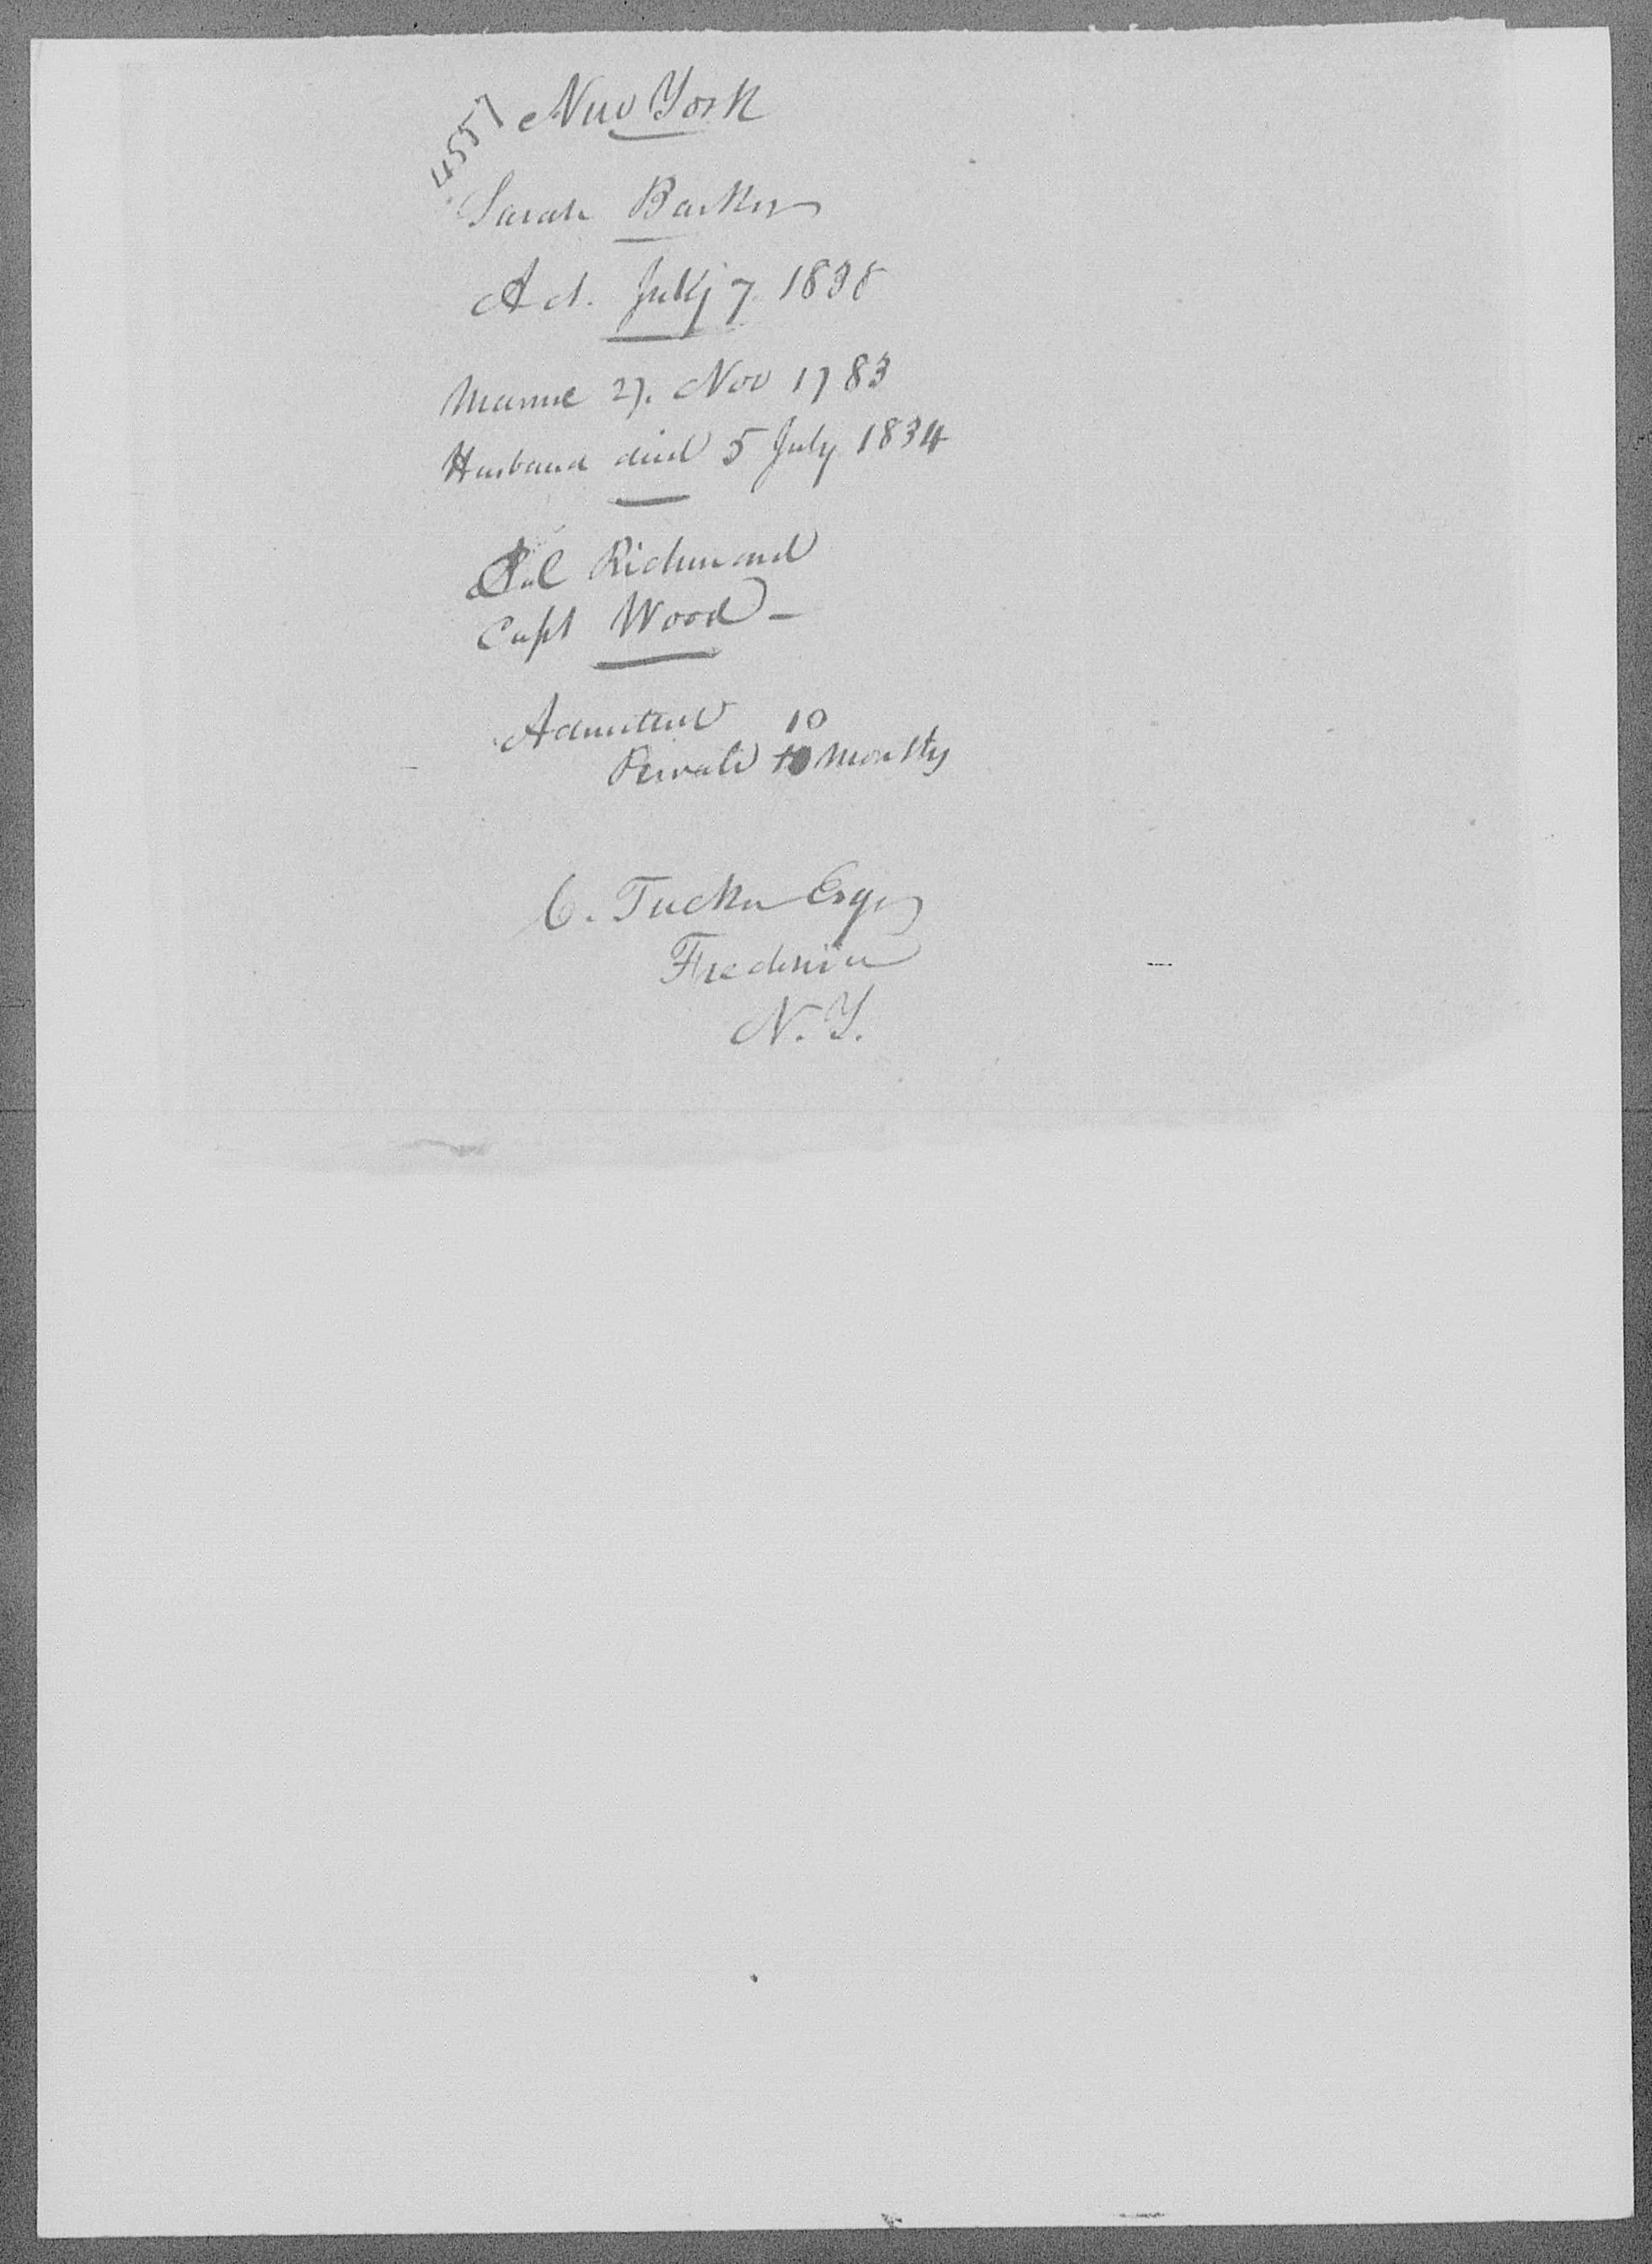4557
New York
Sarah Barker
Act. July 7 1838
Married 27 Nov 1783
Husband died 5 July 1834
Col. Richmond
Capt. Wood
Admitted
Private 10 months
C. Tucker Esqr.
Fredonia
N. Y.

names: Wood, Sarah Barker, C Tucker, Richmond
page: 27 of 52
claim: widow's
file: W. 18,565, Hezekiah Barker, Continental R.I.